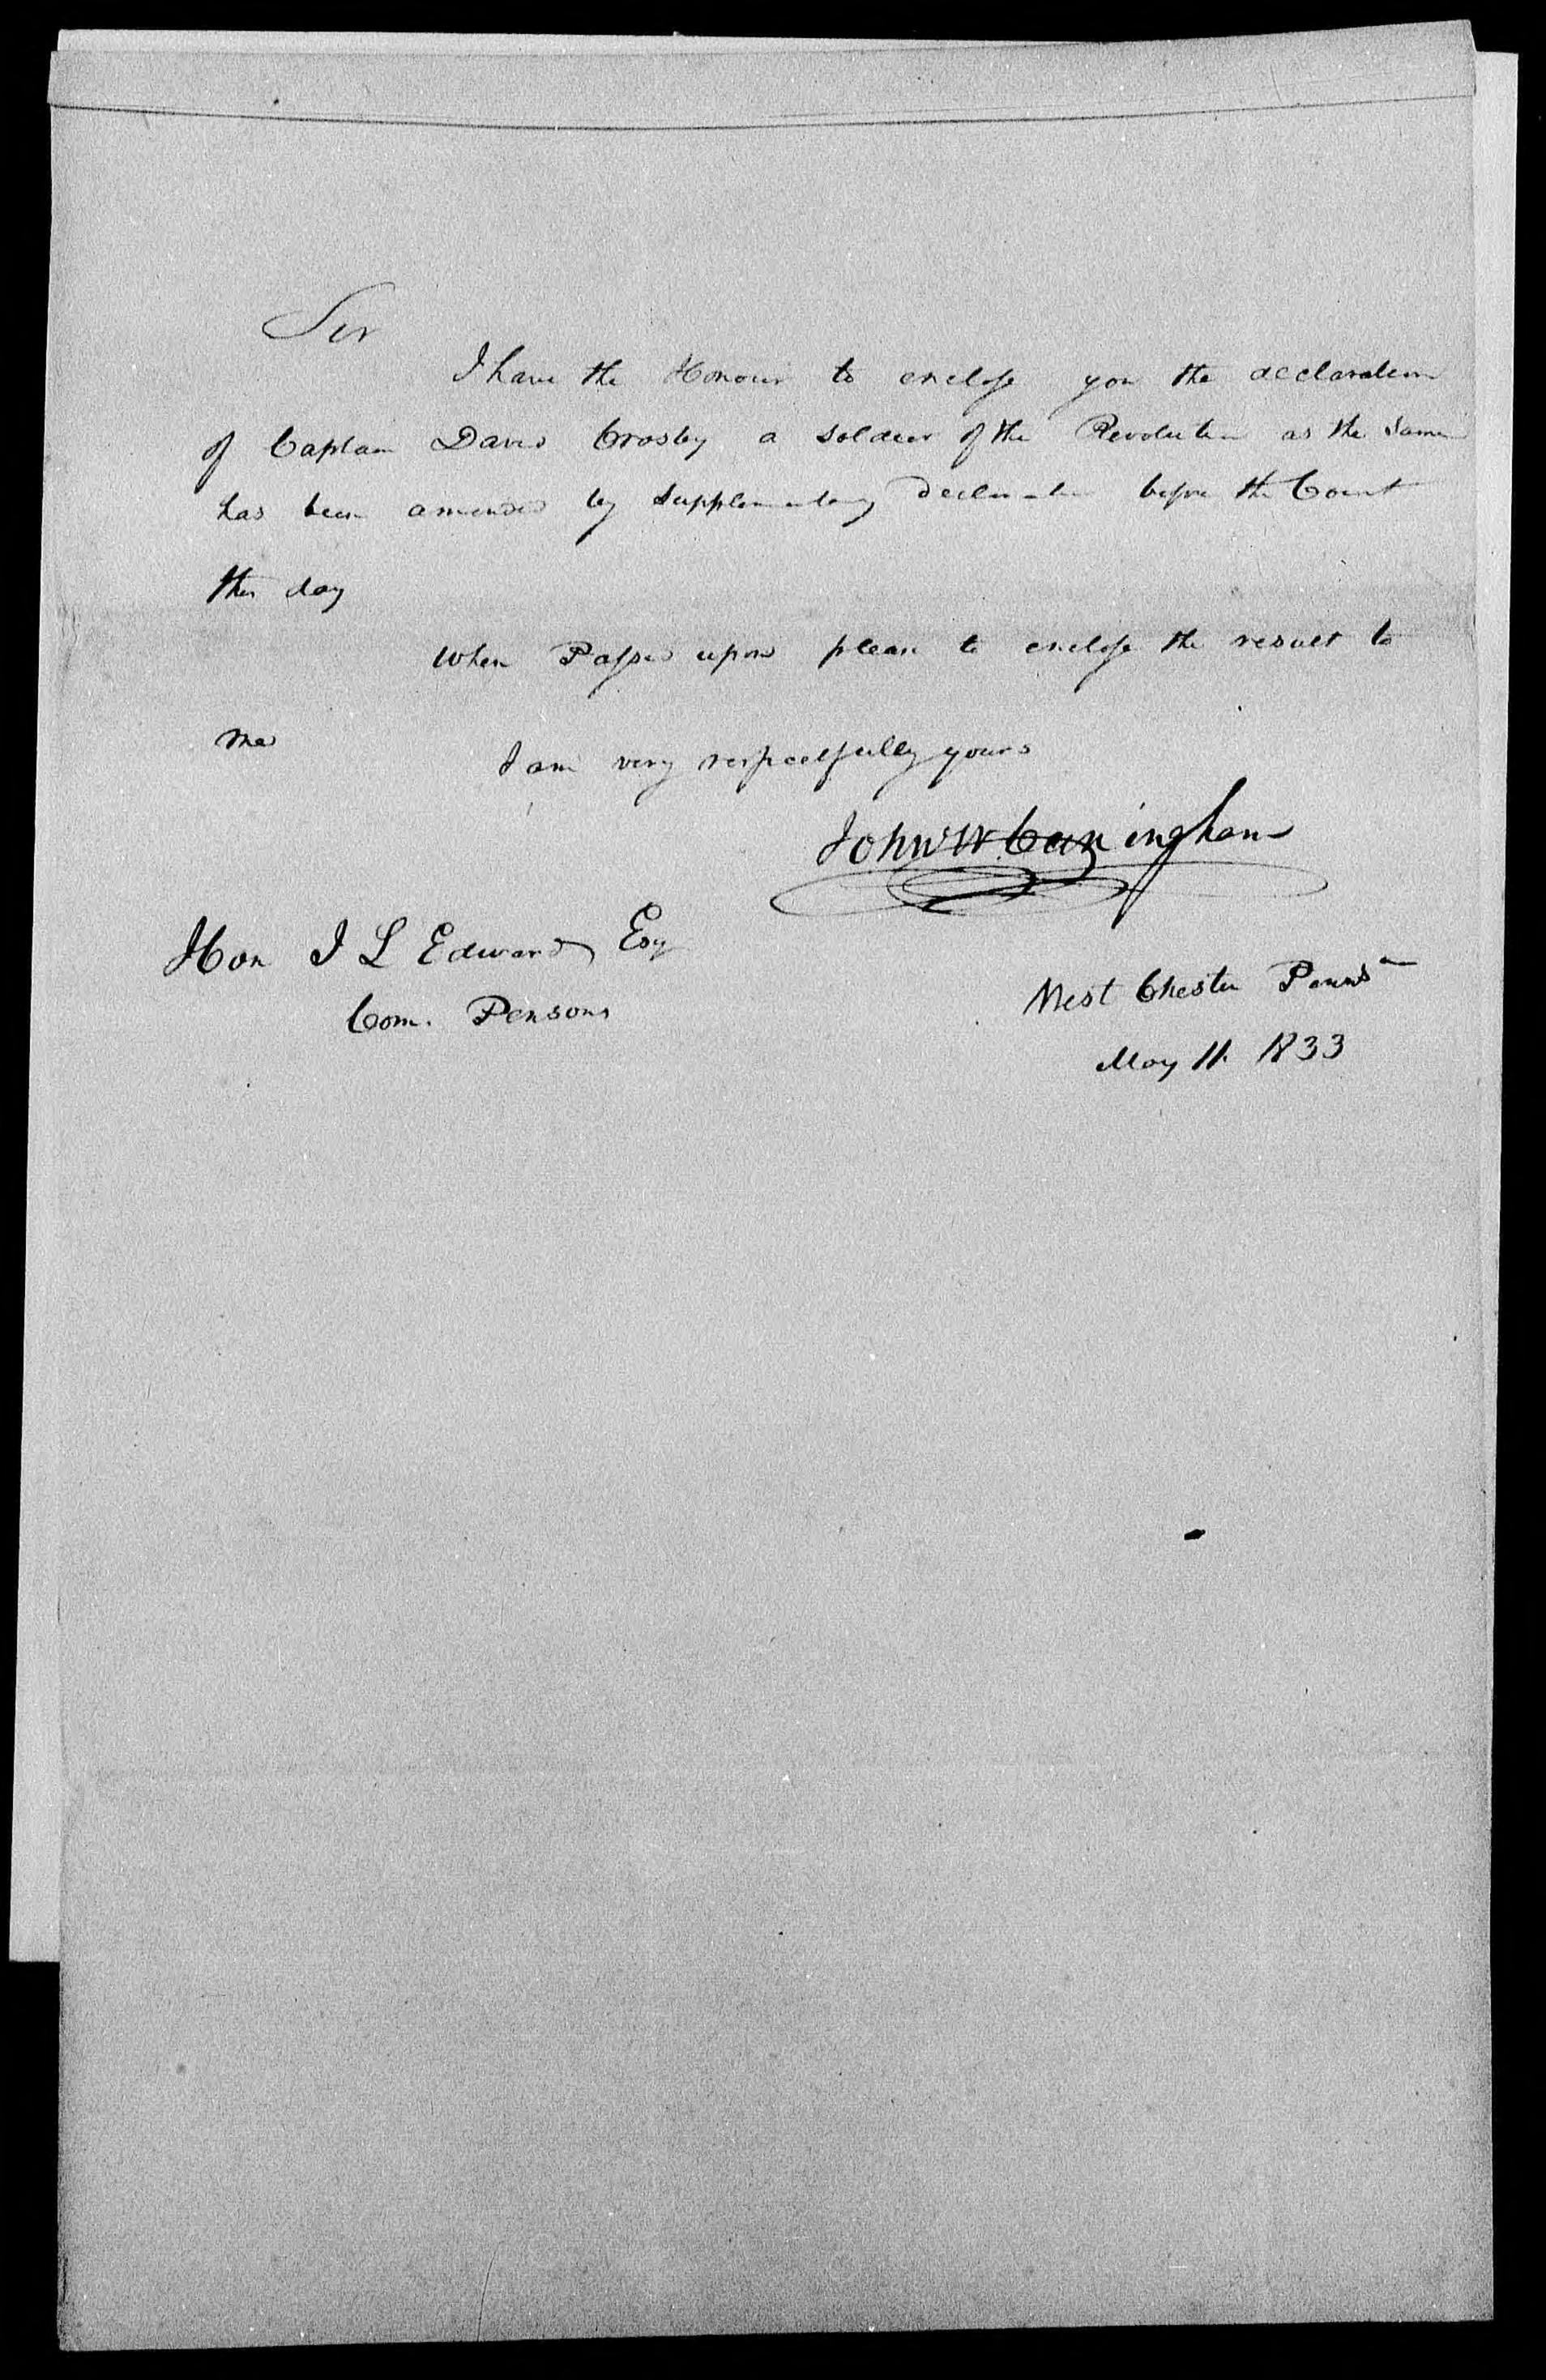Sir

I have the honour to enclose you the acclamation of Captain David Crosby a soldier of the Revolution as the same has been amended by supplementary declarations before the Court this day.

When passed upon please to enclose the result to.

I am very respectfully yours,

John W. Cunningham


Hon J L Edwards Esq
Com. Pensons [sic[


West Chester Penns
May 11 1833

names: John W Cuningham, J L Edwards, David Crosby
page: 19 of 19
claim: survivor's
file: S. 12626, David Crosby, Penn.